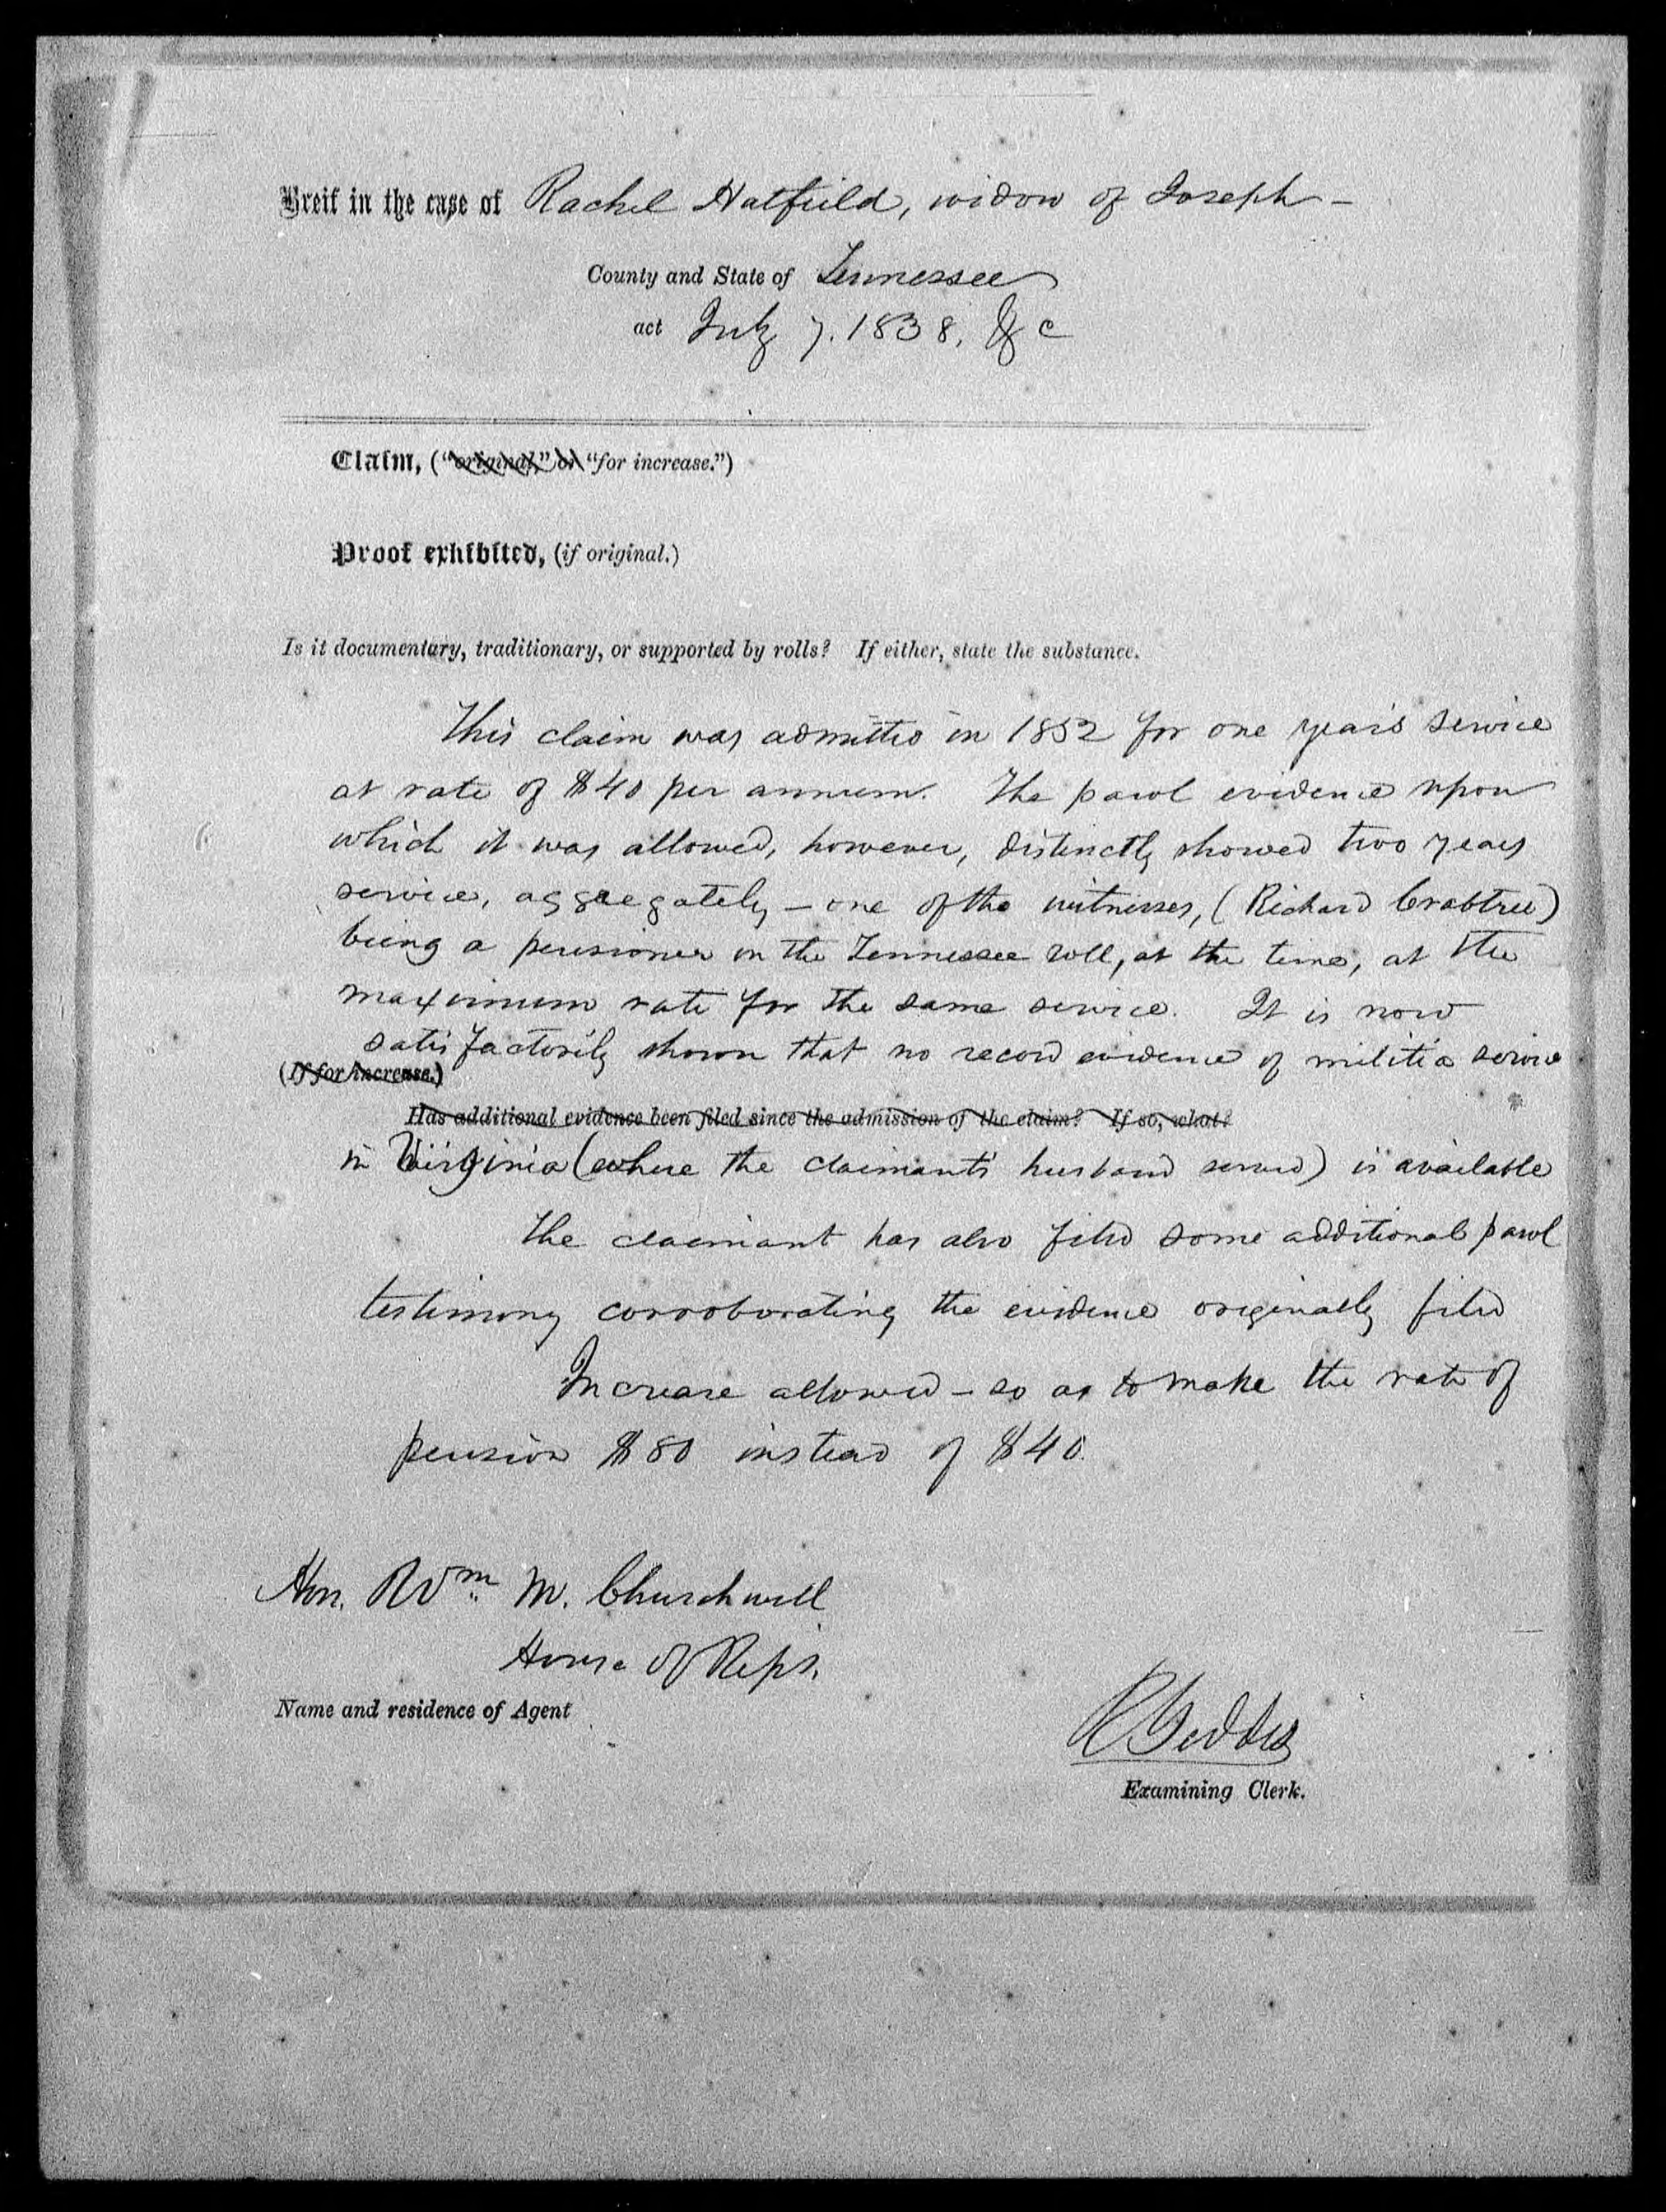Brief in the case of Rachel Hatfield, widow of Joseph -
County and State of Tennessee
act July 7, 1858, &c

Claim, ("for increase.")

Proof exhibited, (if for original.)

Is it documentary, traditionary, or supported by rolles? If either, state the substance.
This claim was admitted in 1852 for one year's service at rate of $40 per annum. The parol evidence upon which it was allowed, however, distinctly showed two years service, aggregately - one of the witnesses, (Richard Crabtree) being a pensioner on the Tennessee roll, at the time, at the maximum rate for the same service. It is now satisfactorily shown that no record evidence of militia service
in Virginia (where the claimant's husband served) is available
The claimant has also filed some additional parol testimony corroborating the evidence originally filed
Increase allowed - so as to make the rate of pension $80 instead of $40

Hon. Wm. M. Churchwell,
House of Reps.
Name and residence of Agent R Geddes
Examining Clerk.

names: Richard Crabtree, Joseph Hatfield, Wm M Churchwell, R Geddes, Rachel Hatfield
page: 39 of 74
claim: widow's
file: W. 5, Joseph Hatfield, Va.